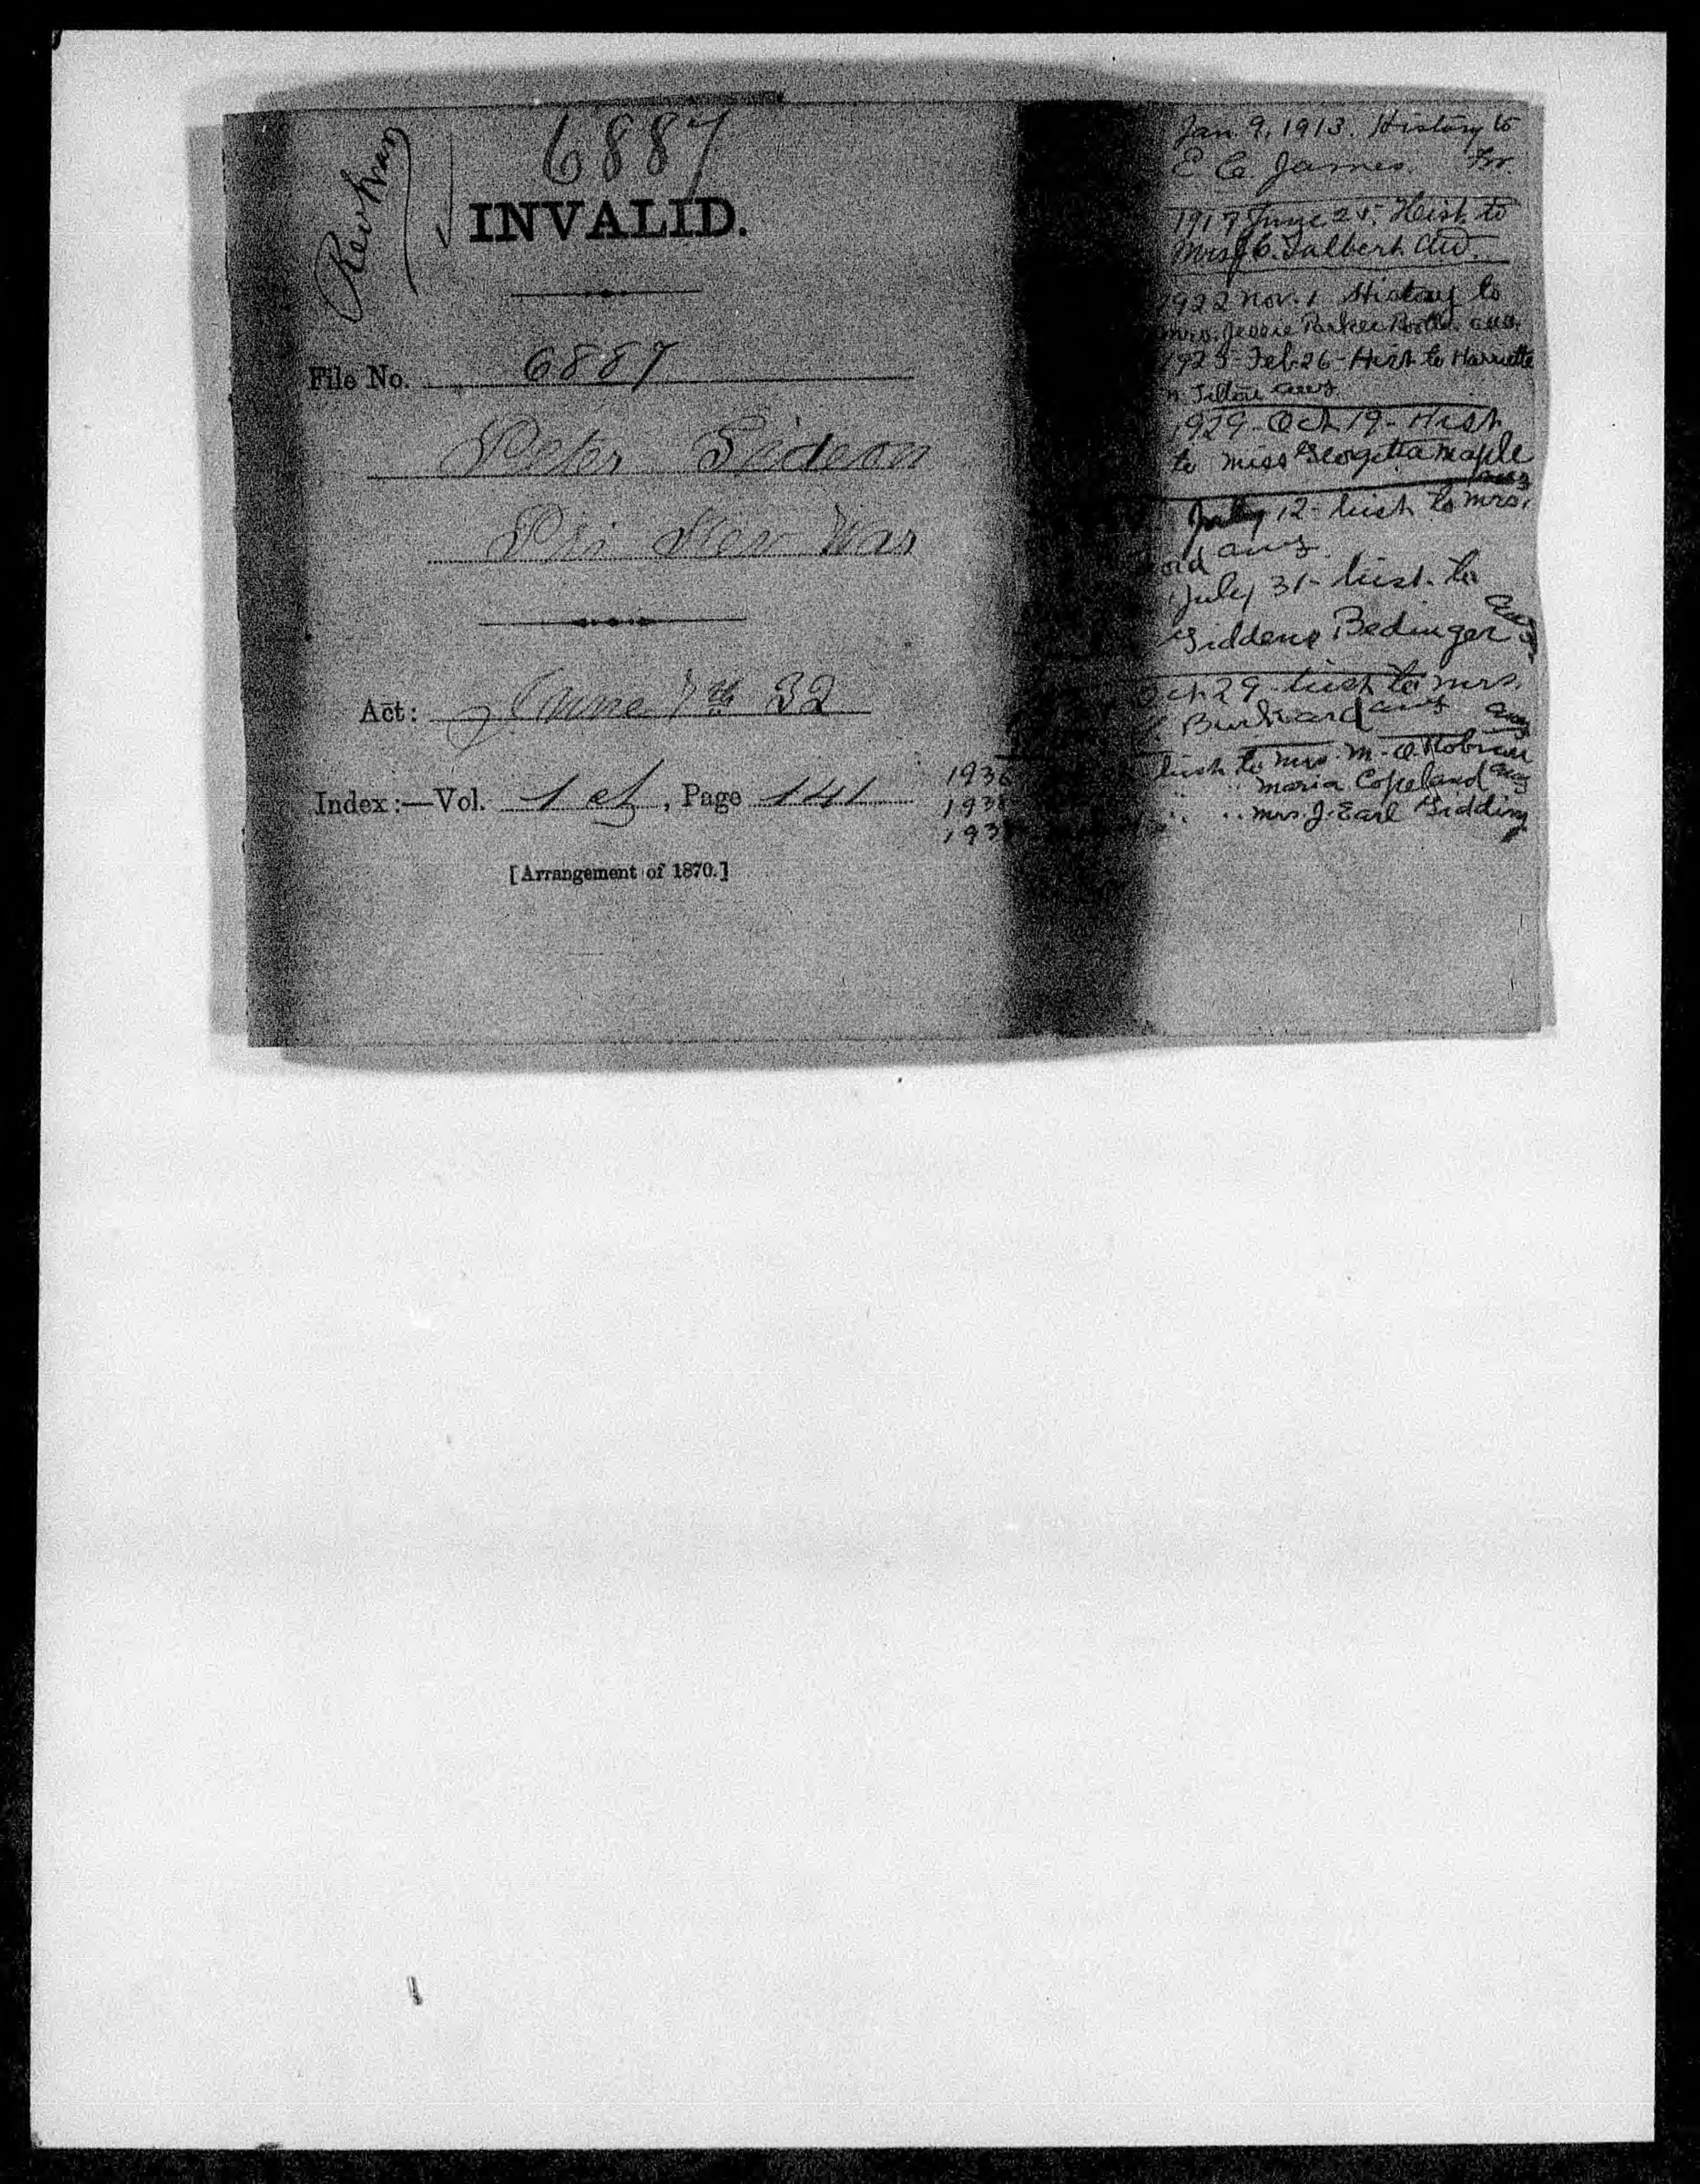6887 
Revolutionary
INVALID.
No. 6887
Peter Gideon
Pri Rev War
---
Act: June 7th 32
Index: -- Vol. [illegible], Page 141
Arrangement of 187

[Handwritten note on right half of document difficult to read with shading, ifo based on letters later in collectiom]

Jan 9 1913 History to
EG James
-----
1917 June 24 History to 
Mrs G Talbert [illeg]
-----
1922 Nov 1 History to 
Mrs Jean Parker Boothe[illeg]
1925 Feb 26 Hist to Harriette Tilton
-----
1929 Oct 19 History sent to Miss Georgette Maple
--------
[1934]July 12 Hist to Mrs JR Ford [illeg]
[1934]July 31 hist to Julia  Giddens Bedinger
-----
[1934 Oct] 29 hist to Mrs Betty Burkhard
1936 [24 Feb] hist to M.O. Robinson
1938 [Nov 4 Hist to] Maria Copeland
[1939 Mar 29] hist to Mrs J Earl Gidding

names: J Earl Gidding, Betty L Burkard, Harriette Norton Tilton, J C Talbert, Georgetta Maple, E C James, Maria Copeland, Peter Gideon, Julia Giddens Bedinger, M O Robison, Jessie Parker Booth, J R Ford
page: 15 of 64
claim: survivor's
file: S. 6887, Peter Gideon, Md.